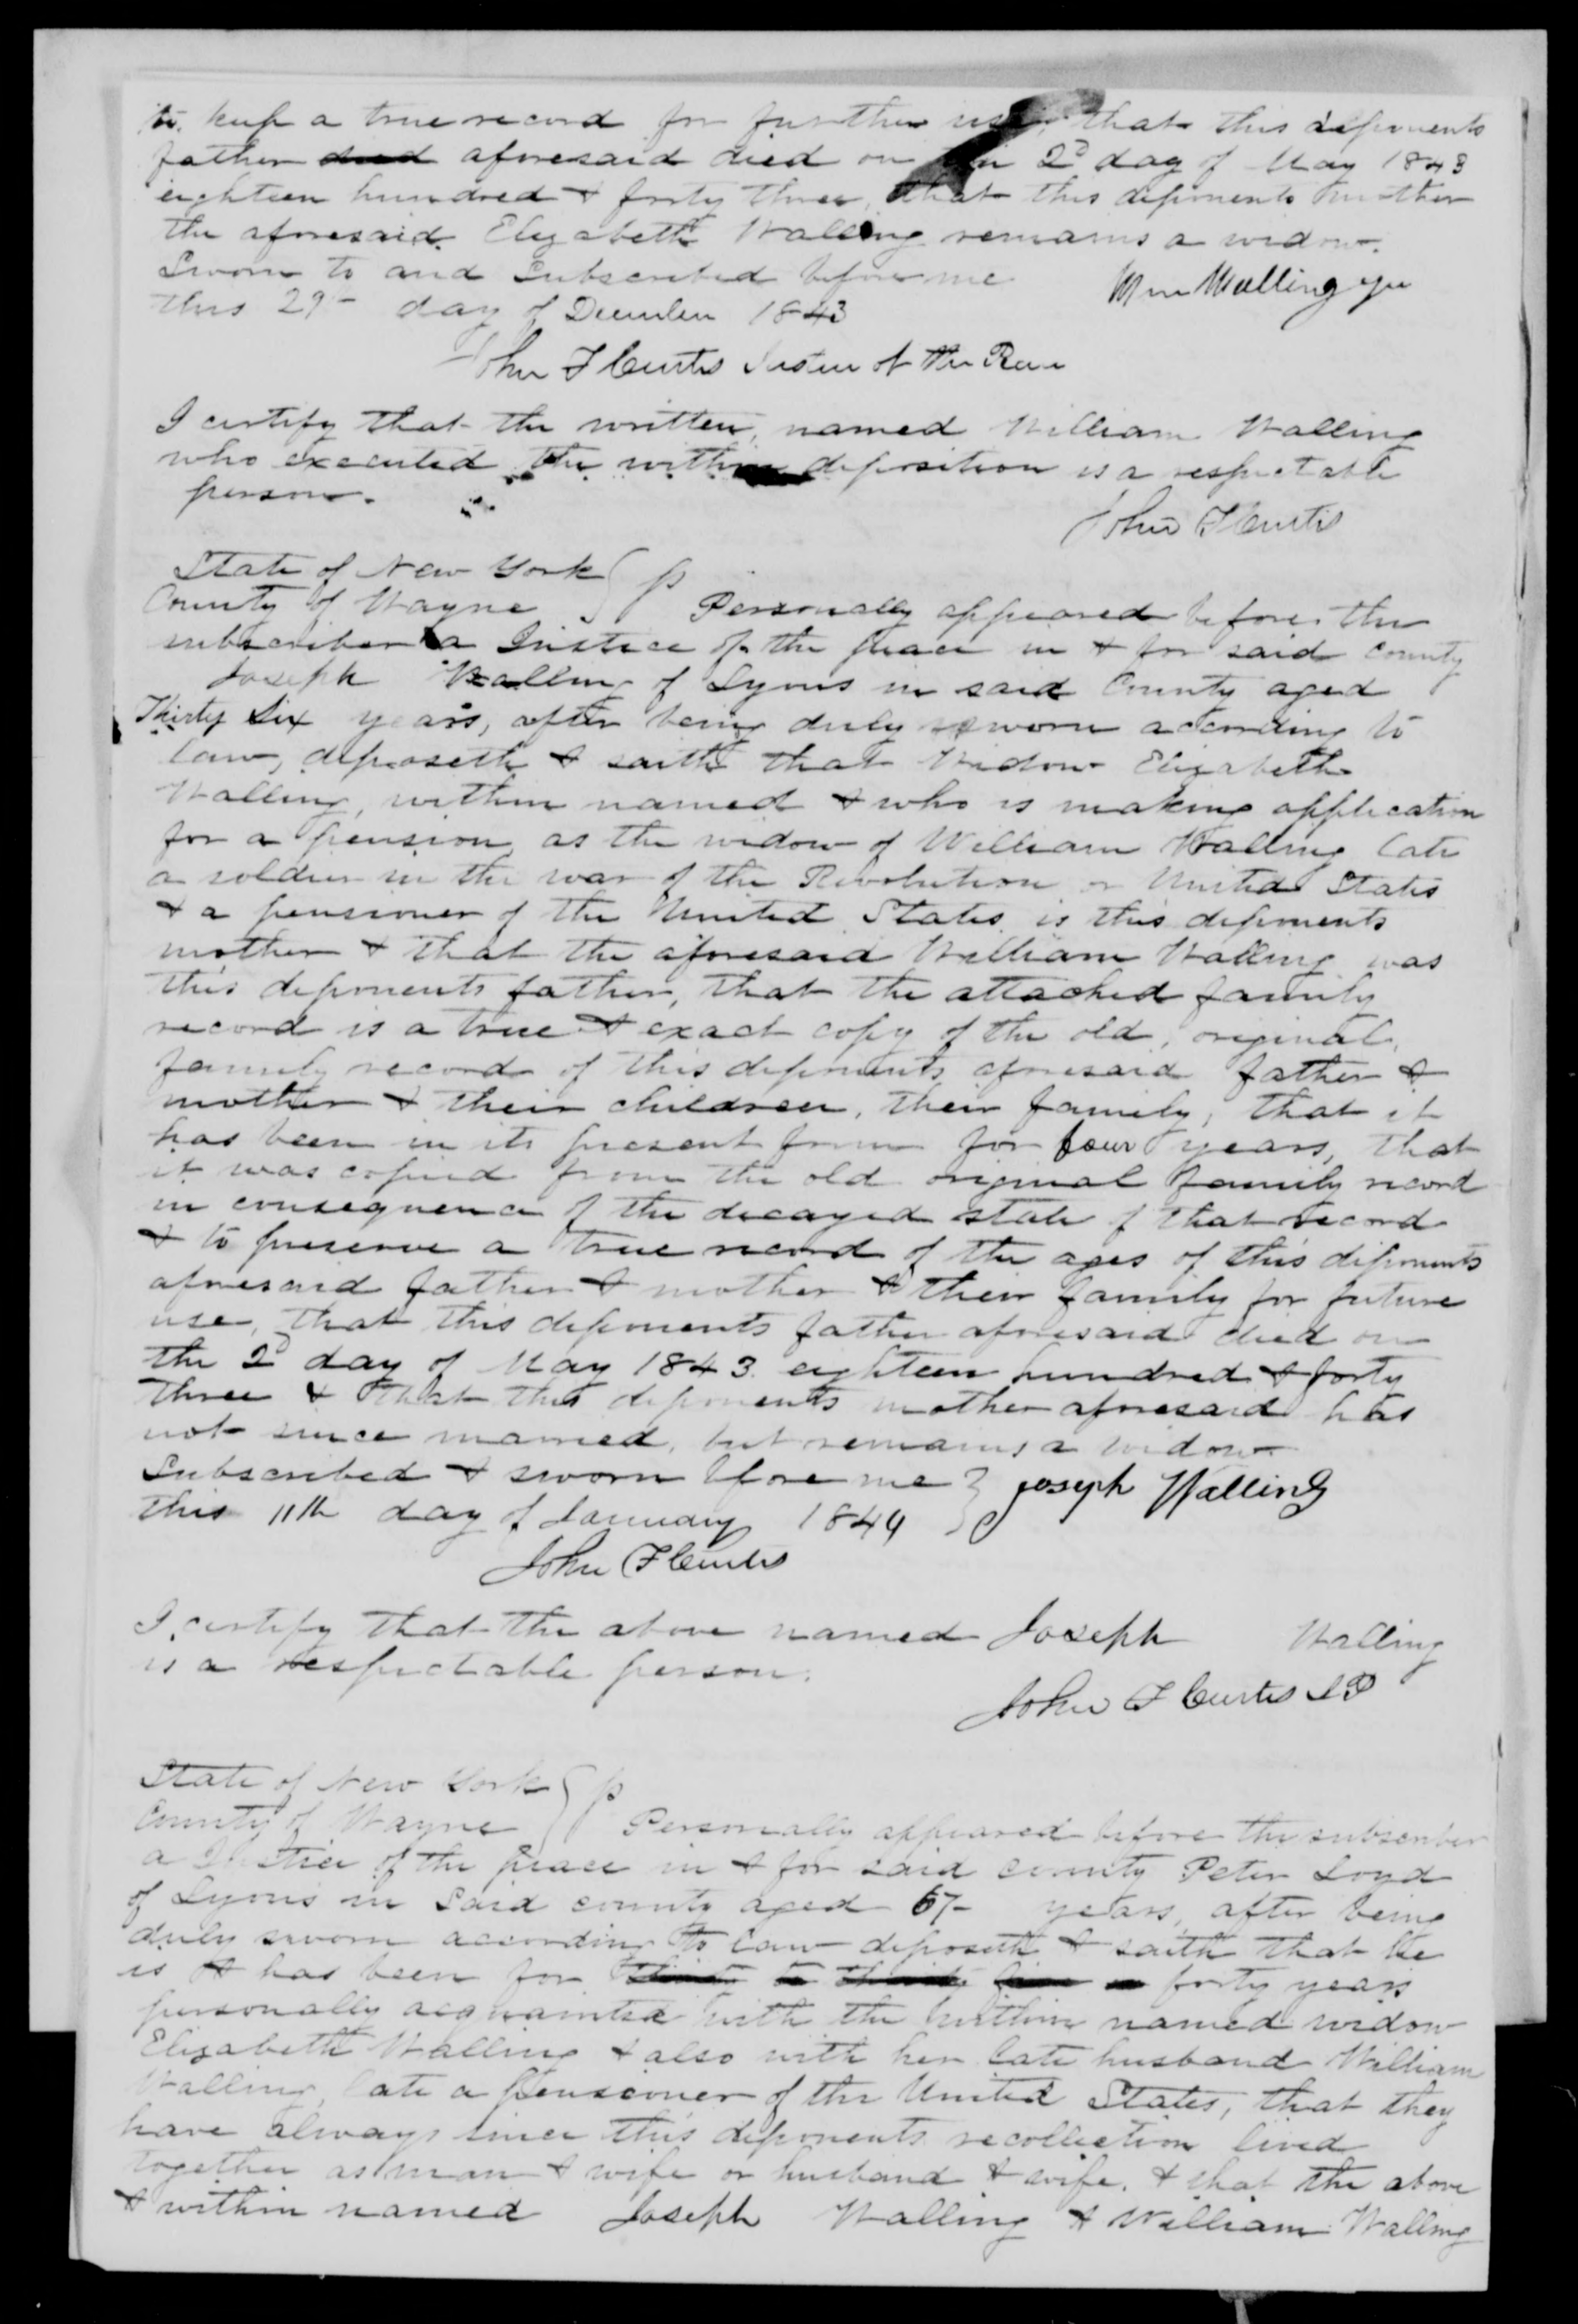to keep a true record for further use that this deponent's father aforesaid died on the 2d day of May 1843 eighteen hundred and forty three, that this deponent's mother the aforesaid Elizabeth Walling remains a widow. Sworn to and Subscribed before me this 29 day of December 1843. Wm Walling, John F Curtis Justice of the Peace

I certify that the written named William Walling who executed this written deposition is a respectable person. John F Curtis

State of New York County of Wayne Personally appeared before the subscriber a Justice of the Peace in & for said county Joseph Walling of Lyons in said County aged thirty six years, after being duly sworn according to law, deposeth & saith that widow Elizabeth Walling within named & who is making application for a pension as the widow of William Walling late a soldier in the war of the Revolution for United States and a pensioner of the United States is the deponent's mother & that the aforesaid William Walling was this deponent's father, that the attached family record is a true & exact copy of the old original family record of this deponent's aforesaid father & mother & their children, their family, that it had been in its present form for four years, that it was copied from the old original family record in consequence of the decayed state of that record & to preserve a true record of their ages of this deponent's aforesaid father & mother & their family for future use, that this deponent's father aforesaid died on the 2d day of May 1843 eighteen hundred & forty three & that this deponent's mother aforesaid has not since married but remains a widow. Subscribed & sworn before me this 11th day of January 1844 Joseph Walling, John F Curtis

I certify that the above names Joseph Walling is a respectable person. John F Curtis

State of New York County of Wayne Personally appeared before the subscriber a Justice of the Peace in & for said county Peter Loyd of Lyons in said county aged 67 years after being duly sworn according to law deposeth & saith that he is and had been for forty years personally acquainted with the written named widow Elizabeth Walling & also with her late husband William Walling, late a pensioner of the United States, that they have always since this deponent's recollection lived together as man & wife or husband & wife & that the above & written named Joseph Walling & William Walling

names: William Walling, Joseph Walling, William Walling, Joseph Walling, Joseph Walling, Peter Loyd, William Walling, Elizabeth Walling, John F Curtis, Joseph Walling, Elizabeth Walling, William Walling, Wm Walling, Elizabeth Walling, William Walling, John F Curtis, John F Curtis, John F Curtis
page: 8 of 66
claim: widow's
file: W. 19588, William Walling, New Jersey